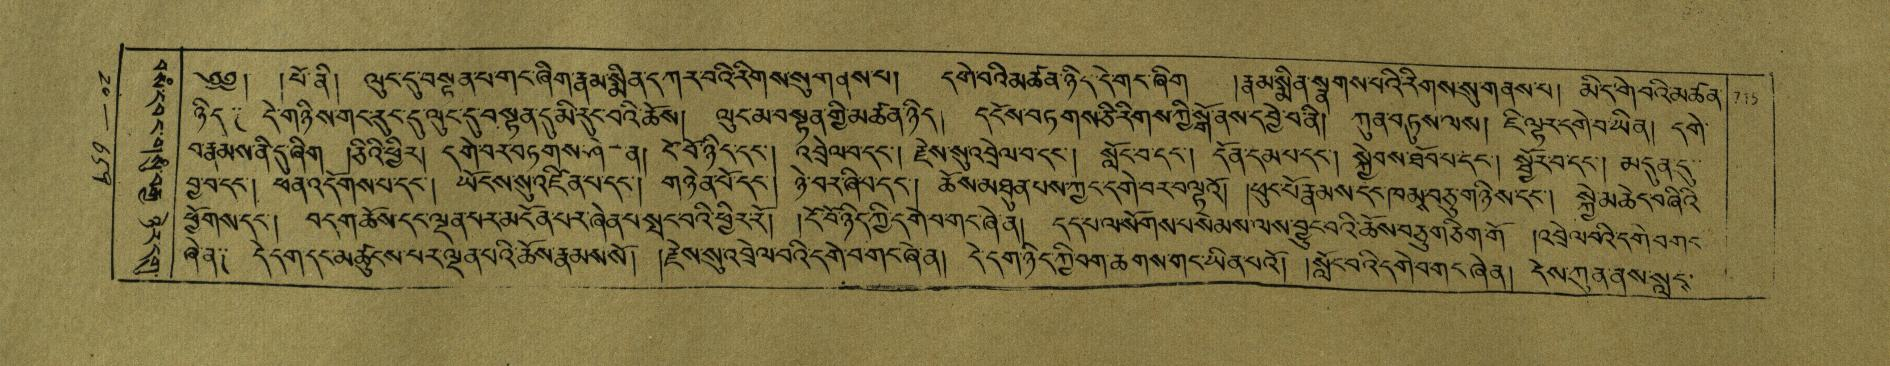༄༅། །པོ་ནི། ལུང་དུ་བསྟན་པ་གང་ཞིག་རྣམ་སྨིན་དཀར་བའི་རིགས་སུ་གནས་པ། དག་བའི་མཚན་ཉིད་དེ་གང་ཞིག །རྣམ་སྨིན་སངས་པའི་རིགས་སུ་གནས་པ། མི་དགེ་བའི་མཚན་
ཉིད༑ དེ་གཉིས་གང་རུང་དུ་ལུང་དུ་སྦྟན་དུ་མི་རུང་བའི་ཆོས། ལུང་མ་བསྟན་གྱི་མཚན་ཉིད། དངོས་བཏགས་ཅི་རིགས་ཀྱི་སྒོ་ནས་བྱེ་བ་ནི། ཀུན་བཏུས་ལས། ཇི་ལྟར་དགེ་བ་ཡིན། དགེ་
བ་རྣམས་ནི་དུ་ཞིག །ཅིའི་ཕྱིར། དགེ་བར་བཏགས་ཤ་ན། ངོ་བོ་ཉིད་དང་། འབྲེལ་བ་དང་། རྗེས་སུ་འབྲེལ་བ་དང་། སློང་བ་དང་། དོན་དམ་པ་དང་། སྐྱེབས་ཐོབ་པ་དང་། སྦྱོར་བ་དང་། མདུན་དུ་
བྱ་བ་དང་། ཕན་འདྒོས་པ་དང་། ཡོངས་སུ་འཛིན་པ་དང་། གཉེན་པོ་དང་། ཉེ་བར་ཞི་བ་དང་། ཆོས་མཐུན་པས་ཀྱང་དགེ་བར་བལྟའོ། །ཕུང་པོ་རྣམས་དང་ཁམས་བཅུ་གཉིས་དང་། སྐྱེ་མཆེད་བཞིའི་
ཕྱོགས་དང་། བདག་ཆོས་དང་ལྡན་པར་མངོན་པར་ཞེན་པ་སྤངས་བའི་ཕྱིར་རོ། །གནོ་བོ་ཉིད་ཀྱི་དགེ་བ་གང་ཞེན་ན། དད་པ་ལ་སོགས་པ་སེམས་ལས་བྱུང་བའི་ཆོས་བཅུ་གཅིག་གོ། །འབྲེལ་བའི་དགེ་བ་གང་
ཞེ་ན༑ དེ་དག་དང་མཚུངས་པར་ལྡན་པའི་ཆོས་རྣམས་སོ། །རྗེས་སུ་འབྲེལ་བའི་དགེ་བ་གང་ཞེན་ན། དེ་དག་ཉིད་ཀྱི་དག་ཆགས་གང་ཡིན་པའོ། །སློང་བའི་དགེ་བ་གང་ཞེ་ན། དེས་ཀུན་ནས་སླངས་